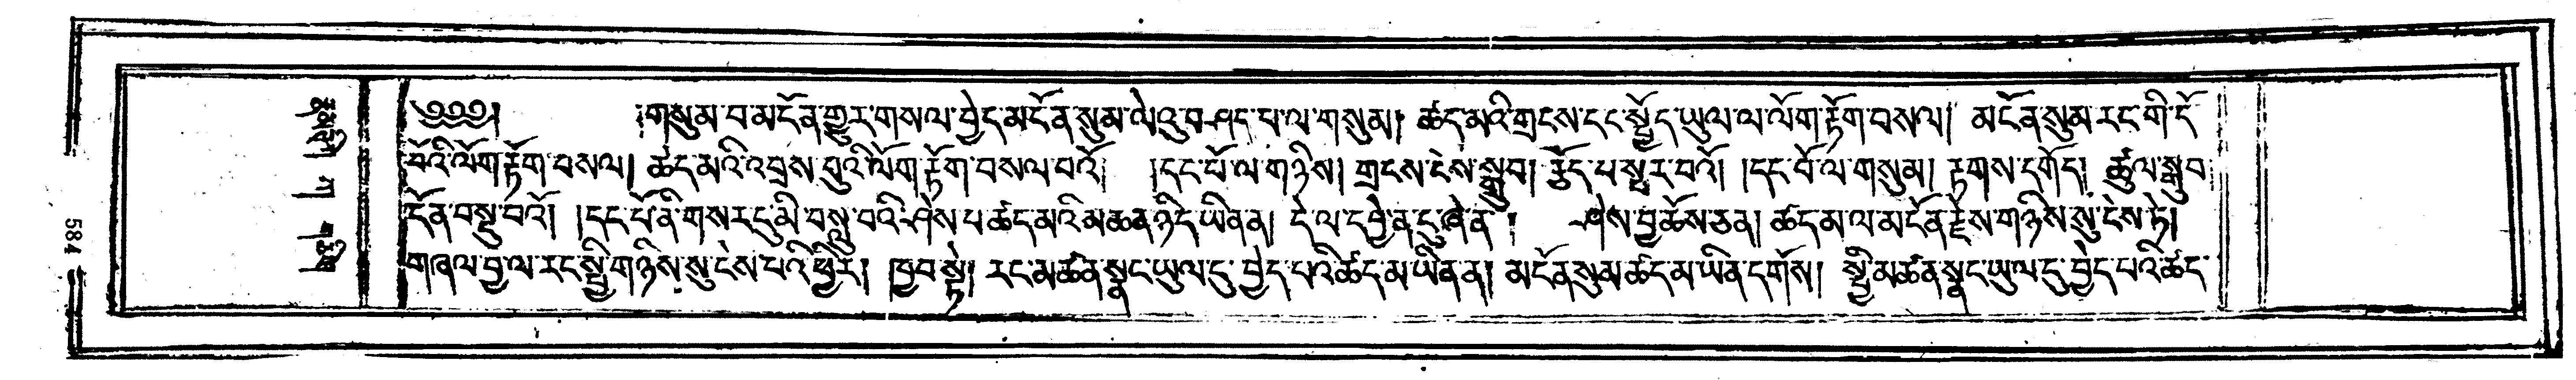༄༅༅། །གསུམ་པ་མངོན་གྱུར་གསལ་བྱེད་མངོན་སུམ་ལེའུ་བཤད་པ་ལ་གསུམ། ཚད་མའི་གྲངས་དང་སྤྱོད་ཡུལ་ལ་ལོག་རྟོག་བསལ། མངོན་སུམ་རང་གི་ངོ་
བོའི་ལོག་རྟོག་བསལ། ཚད་མའི་འབྲས་བུའི་ལོག་རྟོག་བསལ་བའོ། །དང་པོ་ལ་གཉིས། གྲངས་ངེས་སྒྲུབ། རྩོད་པ་སྦར་བའོ། །དང་པོ་ལ་གསུམ། རྟགས་དགོད། ཚུལ་སྒྲུབ་
དོན་བསྡུ་བའོ། །དང་པོ་ནི་གསར་དུ་མི་བསླུ་བའི་ཤེས་པ་ཚད་མའི་མཆན་ཉིད་ཡིན་ན། དེ་ལ་དབྱེ་ན་དུ་ཞེ་ན། ཤེས་བྱ་ཆོས་ཅན། ཚད་མ་ལ་མངོན་རྗེས་གཉིས་སུ་ངེས་ཏེ།
གཞལ་བྱ་ལ་རང་སྤྱི་གཉིས་སུ་ངེས་པའི་ཕྱིར། ཁྱབ་སྟེ། རང་མཚན་སྣང་ཡུལ་དུ་བྱེད་པའི་ཚད་མ་ཡིན་ན། མངོན་སུམ་ཚད་མ་ཡིན་དགོས། སྤྱི་མཚན་སྣང་ཡུལ་དུ་བྱེད་པའི་ཚད་